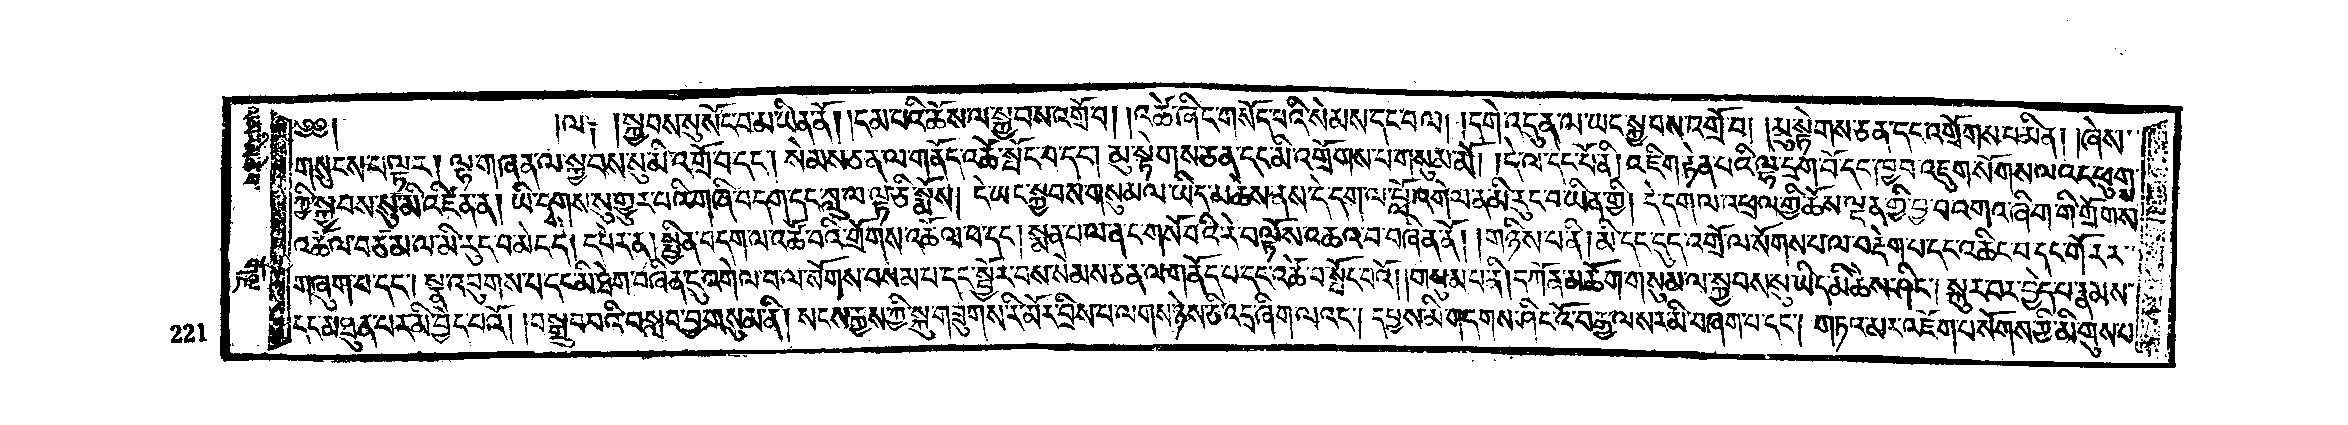༄༅། །ལ༑ ༑སྐྱབས་སུ་སོང་བ་མ་ཡིན་ནོ། །དམ་པའི་ཆོས་ལ་སྐྱབས་འགྲོ་བ། །འཚེ་ཞིང་གསོད་པའི་སེམས་དང་བྲལ། །དགེ་འདུན་ལ་ཡང་སྐྱབས་འགྲོ་བ། །མུ་སྟེགས་ཅན་དང་འགྲོགས་པ་མིན། །ཞེས་
གསུངས་པ་ལྟར། ལྷ་གཞན་ལ་སྐྱབས་སུ་མི་འགྲོ་བ་དང་། སེམས་ཅན་ལ་གནོད་འཚེ་སྤོང་བ་དང་། མུ་སྟེགས་ཅན་དང་མི་འགྲོགས་པ་གསུམ་མོ། །དེ་ལ་དང་པོ་ནི། འཇིག་རྟེན་པའི་ལྷ་དྲག་པོ་དང་ཁྱབ་འཇུག་སོགས་ལའང་ཕུགས་
ཀྱི་སྐྱབས་སུ་མི་འཛིན་ན། ཡི་དྭགས་སུ་གྱུར་པའི་གཞི་བདག་དང་ཀླུ་ལ་ལྟ་ཅི་སྨོས། དེ་ཡང་སྐྱབས་གསུམ་ལ་ཡིད་མ་ཆེས་ནས་དེ་དག་ལ་བློ་འགེལ་ན་མི་རུང་བ་ཡིན་གྱི། དེ་དག་ལ་འཕྲལ་གྱི་ཆོས་ལྡན་གྱི་བྱ་བ་འགའ་ཞིག་གི་གྲོགས་
འཆོལ་བ་ཙམ་ལ་མི་རུང་བ་མེད་དེ། དཔེར་ན། སྦྱིན་བདག་ལ་འཚོ་བའི་གྲོགས་འཆོལ་བ་དང་། སྨན་པ་ལ་ནད་གསོ་བའི་རེ་བལྟོས་འཆའ་བ་བཞིན་ནོ། །གཉིས་པ་ནི། མི་དང་དུད་འགྲོ་ལ་སོགས་པ་ལ་བརྡེག་པ་དང་འཆིང་བ་དང་གོ་རར་
གཞུག་པ་དང་། སྣ་འབུགས་པ་དང་མི་ཐེག་བཞིན་དུ་འགེལ་བ་ལ་སོགས་བསམ་པ་དང་སྦྱོར་བས་སེམས་ཅན་ལ་གནོད་པ་དང་འཚེ་བ་སྤོང་བའོ། །གསུམ་པ་ནི། དཀོན་མཆོག་གསུམ་ལ་སྐྱབས་སུ་ཡིད་མི་ཆེས་ཤིང་། སྐུར་བར་བྱེད་པ་རྣམས་
དང་མཐུན་པར་མི་བྱེད་པའོ། །བསྒྲུབ་པའི་བསླབ་བྱ་གསུམ་ནི། སངས་རྒྱས་ཀྱི་སྐུ་གཟུགས་རི་མོར་བྲིས་པ་ལེགས་ཉེས་ཅི་འདྲ་ཞིག་ལའང་། དཔྱས་མི་གདགས་ཤིང་འོ་བརྒྱལ་སར་མི་བཞག་པ་དང་། གཏའ་མར་འཇོག་པ་སོགས་ཀྱི་མི་གུས་པ་